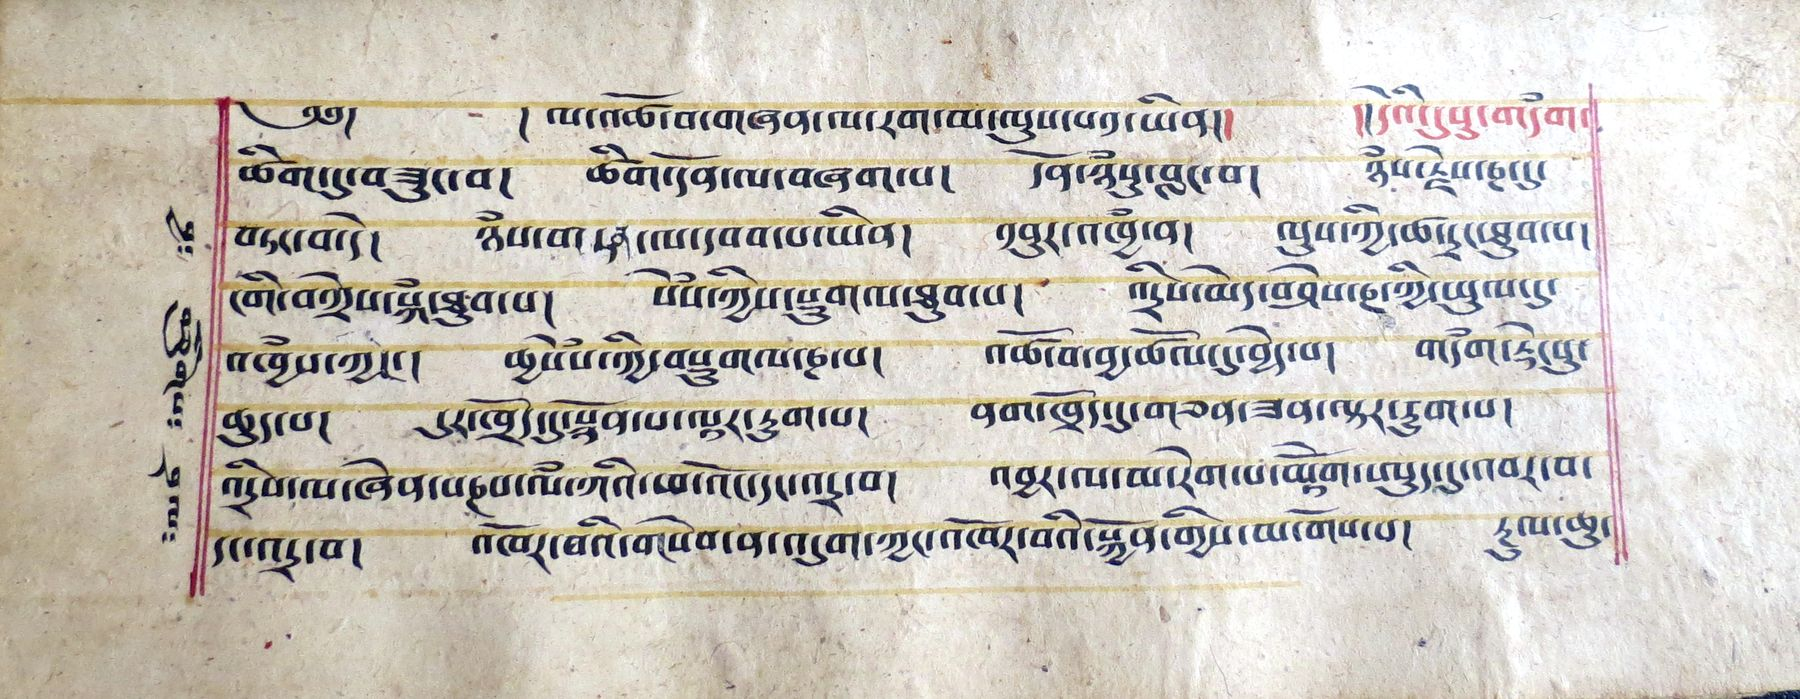ལ་འཚོ་བ་གཞན་ལ་རག་མ་ལུས་པ་ཞིག་ཡིན། དེའི་དུས་སུ་གདམས་ངག་
ཚིག་ཏུ་མ་བཟུང་བ། ཚིག་དོན་ལ་བཞག་པ། དོན་ཉམས་སུ་བླང་བ། ཉམས་རྗེས་མེད་དུ་
གཏོང་བ་དང་། ཉམས་གཏན་ལ་དབབ་པ་དཅཙཡིན། གཅིག་པུར་འཁྱམས་ན། ལུས་ཀྱིས་ཚ་གྲང་ཐུབ་པ། 
ངག་གིས་བཀྲེས་སྐོམ་ཐུབ་པ། སེམས་ཀྱིས་སྡུག་བསྔལ་ཐུབ་པ། འདྲིས་མེད་ཤེས་མེད་ཀྱི་ཡུལ་དུ་
འཁྱམས་ཀྱང་། ཆགས་སེམས་ཀྱི་སྡུག་བསྔལ་མེད་པ། འཚོ་བ་བྱ་ཚོལ་དུ་བྱེད་པ་ མན་ངག་གདེང་དུ་
ཆུད་པ། དུར་ཁྲོད་དུ་སྨྱོན་པ་ལྟར་རྒྱུག་པ། ནགས་ཁྲོད་དུ་གཅན་གཟན་ལྟ་བུར་རྒྱུག་པ། 
འདྲིས་ལ་ཞེན་པ་མེད་པ་ལམ་ཁའི་ཕ་བོང་དང་འདྲ་བ། འབྱར་ལ་མ་རེག་པ་མེ་ཏོག་ཨུ་དུཾ་འབར་བ་
དང་འདྲ་བ། འཁོར་བའི་གསེབ་ཏུ་འདུག་ཀྱང་འཁོར་བའི་སྐྱོན་གྱིེས་མ་གོས་པ། དངུལ་ཆུ་